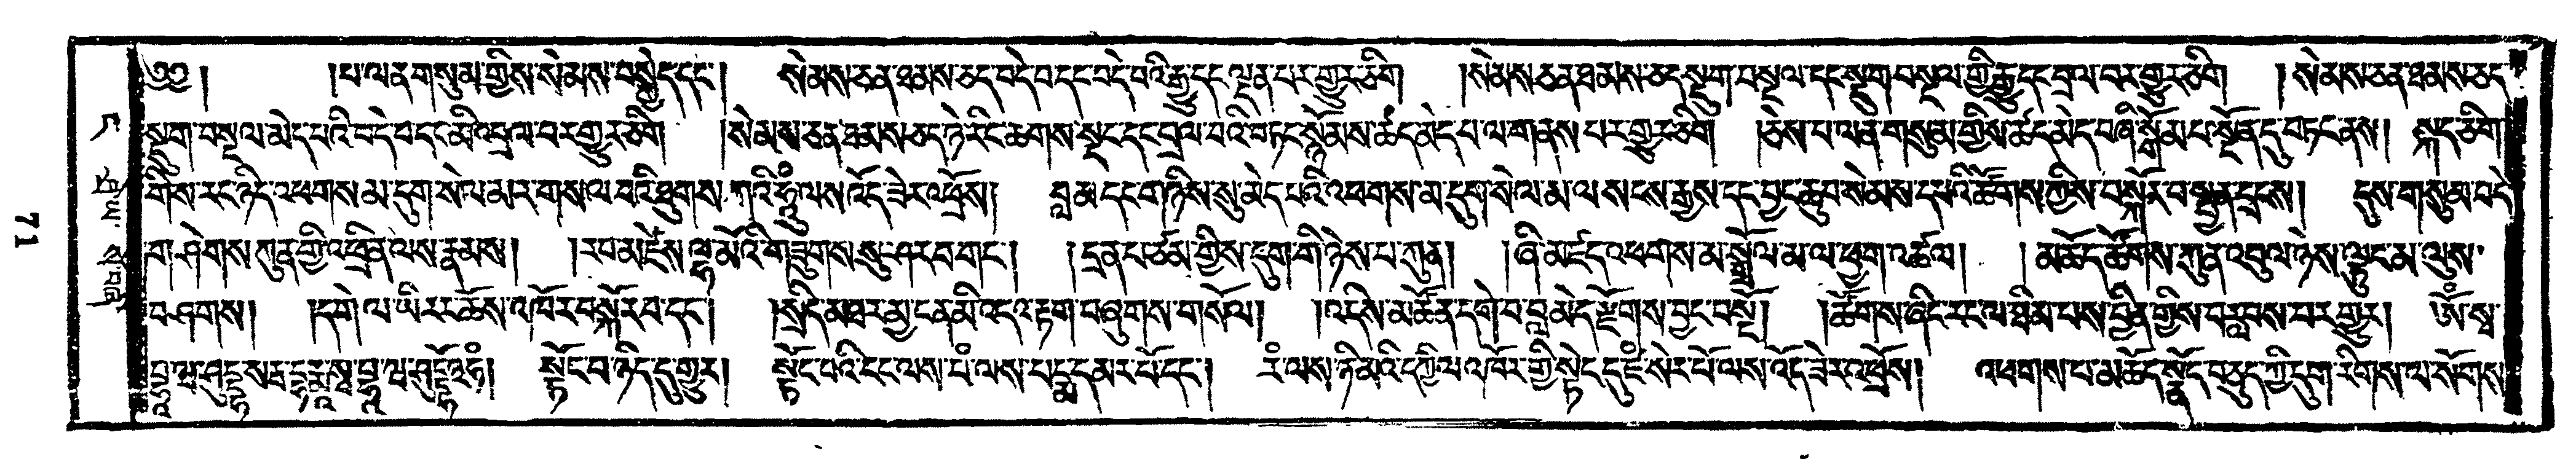༄༅། །པ་ལན་གསུམ་གྱིས་སེམས་བསྐྱེད་དང་། སེམས་ཅན་ཐམས་ཅད་བདེ་བ་དང་བདེ་བའི་རྒྱུ་དང་ལྡན་པར་གྱུར་ཅིག །སེམས་ཅན་ཐམས་ཅད་སྡུག་བསྔལ་དང་སྡུག་བསྔལ་གྱི་རྒྱུ་དང་བྲལ་བར་གྱུར་ཅིག །སེམས་ཅན་ཐམས་ཅད་
སྡུག་བསྔལ་མེད་པའི་བདེ་བ་དང་མི་འབྲལ་བར་གྱུར་ཅིག །སེམས་ཅན་ཐམས་ཅད་ཉེ་རིང་ཆགས་སྡང་དང་བྲལ་པའི་བཏང་སྙོམས་ཚད་མེད་པ་ལ་གནས་པར་གྱུར་ཅིག །ཅེས་པ་ལན་གསུམ་གྱིས་ཚད་མེད་བཞི་སྒོམ་པ་སྔོན་དུ་བཏང་ནས། སྐད་ཅིག་
གིས་རང་ཉིད་འཕགས་མ་དུག་སེལ་མར་གསལ་བའི་ཐུགས་ཀའི་ཧཱུཾ་ལས་འོད་ཟེར་འཕྲོས། བླ་མ་དང་གཉིས་སུ་མེད་པའི་འཕགས་མ་དུག་སེལ་མ་ལ་སངས་རྒྱས་དང་བྱང་ཆུབ་སེམས་དཔའི་ཚོགས་ཀྱིས་བསྐོར་པ་སྤྱན་དྲངས། དུས་གསུམ་བདེ་
གཤེགས་ཀུན་གྱི་འཕྲིན་ལས་རྣམས། །རབ་མཛེས་ལྷ་མོའི་གཟུགས་སུ་ཤར་བ་གང་། །དྲན་པ་ཙམ་གྱིས་དུག་གི་ཉེས་པ་ཀུན། །ཞི་མཛད་འཕགས་མ་སྒྲོལ་མ་ལ་ཕྱག་འཚལ། །མཆོད་ཚོགས་ཀུན་འབུལ་ཉེས་ལྟུང་མ་ལུས་
བཤགས། །དགེ་ལ་ཡི་རང་ཆོས་འཁོར་བསྐོར་པ་དང་། །སྲིད་མཐར་མྱ་ངན་མི་འདའ་རྟག་བཞུགས་གསོལ། །འདིས་མཚོན་དགེ་བ་བླ་མེད་རྫོགས་བྱང་བསྔོ། །ཚོགས་ཞིང་རང་ལ་ཐིམ་པས་བྱིན་གྱིས་བརླབས་པར་གྱུར། ཨོཾ་སྭ་
བྷཱ་ཝ་ཤུདྡྷ་སརྦ་དྷརྨཱ་སྭ་བྷཱ་ཝ་ཤུདྡྷོཉཧཾ། སྟོང་པ་ཉིད་དུ་གྱུར། སྟོང་པའི་ངང་ལས་པཾ་ལས་པདམ་དམར་པོ་དང་། རཾ་ལས་ཉི་མའི་དཀྱིལ་འཁོར་གྱི་སྟེང་དུ་ཛམ་སེར་པོ་ལས་འོད་ཟེར་འཕྲོས། འཕགས་པ་མཆོད་སྣོད་བཅུད་ཀྱི་དུག་རིགས་ལ་སོགས་